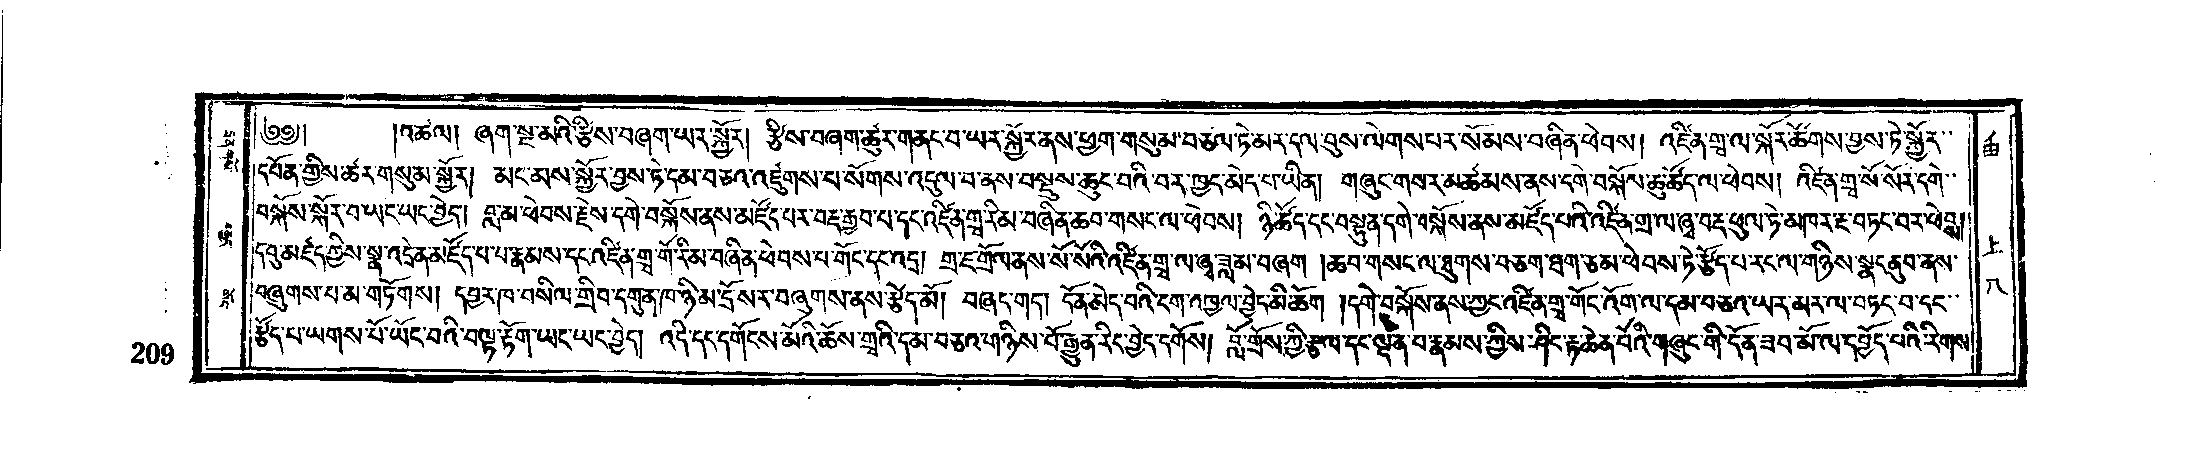༄༅། །འཚལ། ཞག་སྔ་མའི་རྩིས་བཞག་ཡར་སྐྱོར། རྩིས་བཞག་ཚུར་གནང་བ་ཡར་སྐྱོར་ནས་ཕྱག་གསུམ་བཙལ་ཏེ་མར་དལ་བུས་ལེགས་པར་སོམས་བཞིན་ཕེབས། འཛིན་གྲྭ་ལ་སྐོར་ཚོགས་བྱས་ཏེ་སྐྱོར་
དཔོན་གྱིས་ཚར་གསུམ་སྐྱོར། མང་མས་སྐྱོར་བྱས་ཏེ་དམ་བཅའ་འཛུགས་པ་སོགས་འདུལ་བ་ནས་བསྡུས་ཆུང་བའི་བར་ཁྱད་མེད་པ་ཡིན། གཞུང་གསར་མཚམས་ནས་དགེ་བསྐོས་ཆུ་ཚོད་ལ་ཕེབས། འཛིན་གྲྭ་སོ་སོར་དགེ་
བསྐོས་སྐོར་བ་ཡང་ཡང་བྱེད། བླ་མ་ཕེབས་རྗེས་དགེ་བསྐོས་ནས་མཛོད་པར་བརྡ་རྒྱབ་པ་དང་འཛིན་གྲྭ་རིམ་བཞིན་ཆབ་གསང་ལ་ཕེབས། ཉི་ཚོད་དང་བསྟུན་དགེ་བསྐོས་ནས་མཛོད་པའི་འཛིན་གྲ་ལ་ཞྭ་བརྡ་ཕུལ་ཏེ་མཁར་རྔ་བཏང་བར་ཕེབས།
དབུ་མཛད་ཀྱིས་སྣ་འདྲེན་མཛོད་པ་པ་རྣམས་དང་འཛིན་གྲྭ་གོ་རིམ་བཞིན་ཕེབས་པ་གོང་དང་འདྲ། གྲ་ཇ་གྲོལ་ནས་སོ་སོའི་འཛིན་གྲྭ་ལ་ཞྭ་ཟླམ་བཞག །ཆབ་གསང་ལ་ཐུགས་བཅག་ཐག་ཅམ་ཕེབས་ཏེ་རྩོད་པ་རང་ལ་གཉིས་སྣང་ནུབ་ནས་
བཞུགས་པ་མ་གཏོགས། དབྱར་ཁ་བསིལ་གྲིབ་དགུན་ཁ་ཉི་མ་དྲོ་སར་བཞུགས་ནས་རྩེད་མོ། བཞད་གད། དོན་མེད་པའི་ངག་འཁྱལ་བྱེད་མི་ཆོག །དགེ་བསྐོས་ནས་ཀྱང་འཛིན་གྲྭ་གོང་འོག་ལ་དམ་བཅའ་ཡར་མར་ལ་བཏང་བ་དང་
རྩོད་པ་ཡགས་པོ་ཡོང་བའི་བལྟ་རྟོག་ཡང་ཡང་བྱེད། འདི་དང་དགོངས་མོའི་ཆོས་གྲྭའི་དམ་བཅའ་གཉིས་པོ་རྒྱུན་རིང་བྱེད་དགོས། བློ་གྲོས་ཀྱི་རྩལ་དང་ལྡན་པ་རྣམས་ཀྱིས་ཤིང་རྟ་ཆེན་པོའི་གཞུང་གི་དོན་ཟབ་མོ་ལ་དཔྱོད་པའི་རིགས་